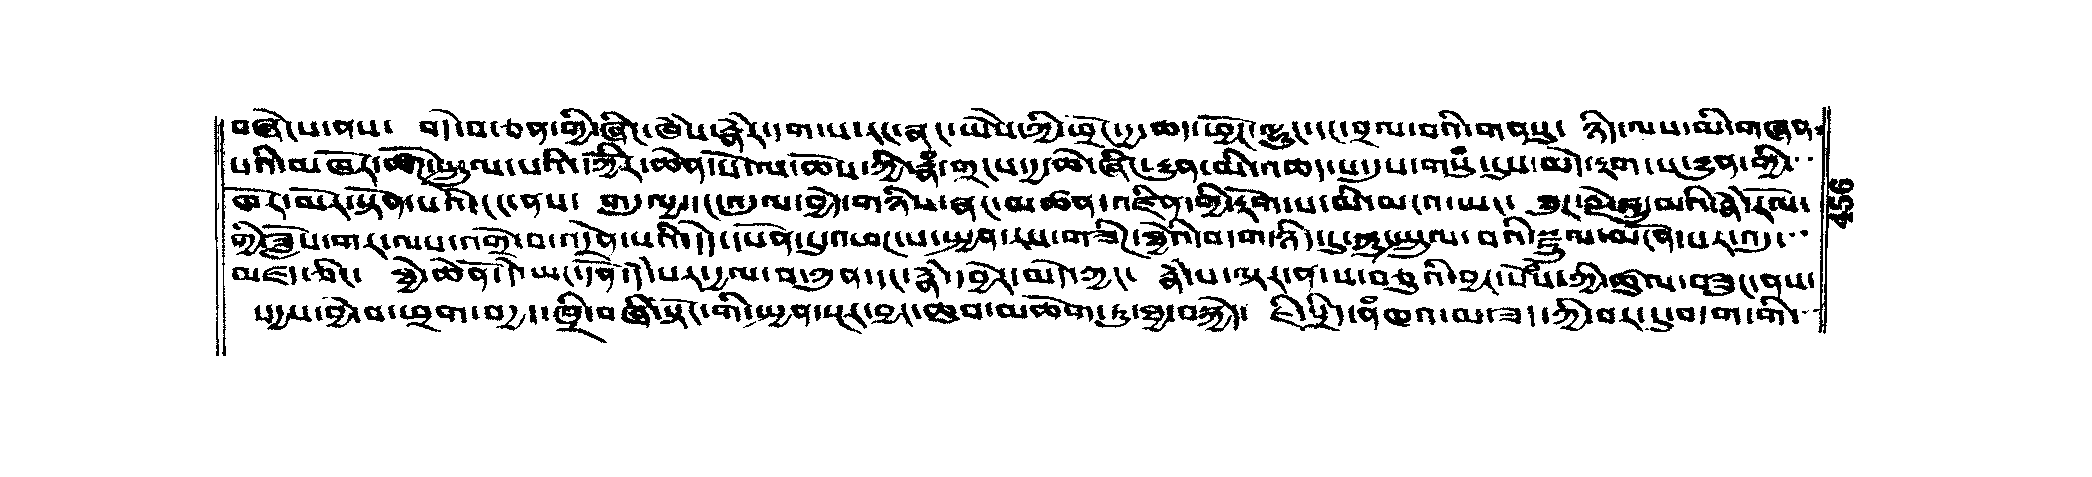བཞེངས་ནས། བདེ་བ་ཅན་གྱི་ཞིང་ཁམས་རྣམ་པར་དག་པ་རང་སྣང་ཡེ་ཤེས་ཀྱི་ཕོ་བྲང་རྒྱ་ཆད་ཕྱོགས་ལྷུང་དང་བྲལ་བའི་གནས་སུ། ཉིད་ལས་མི་གཞན་
པའི་འཁོར་ཚོགས་སྤྲུལ་བའི་དཀྱིལ་འཁོར་ཆེན་པོ་ལ་ཆོས་ཀྱི་རྣམ་གྲངས་རྒྱ་ཆེ་ཞིང་རྒྱུན་མི་ཆད་པ་དུས་གསུམ་དུས་མེད་རྟག་པ་རྒྱུན་གྱི་
ཁོར་མོར་སྟོན་པའི་ངང་ནས། གདུལ་བྱ་དང་གདུལ་བྱེད་གཉིས་སྣང་མཚན་འཛིན་གྱི་རྟོག་པ་མི་མངའ་ཡང་། ཐུགས་རྗེ་སྒྱུ་མའི་རྣམ་རོལ་
གྱི་ཟློས་གར་ལས་འགྲོ་བ་འདྲེན་པའི་དེད་དཔོན་དུ་འཕགས་པ་སྤྱན་རས་གཟིགས་ཐུགས་རྗེའི་བདག་ཉིད་དུ་སྐུ་སྤྲུལ་བའི་རྫུ་འཕྲུལ་མངོན་པར་འདུ་
མཛད་ཅིང་། ཐུགས་རྗེ་ཆེན་པོ་དེ་ཡང་དོན་དམ་པར་རྒྱལ་བ་ཀུན་དང་རྣམ་དབྱེར་མེད་ཀྱང་། རྣམ་པ་ལྟར་ན་ས་བཅུའི་བྱང་སེམས་ཀྱི་ཚུལ་བཟུང་ནས་
སངས་རྒྱས་བྱེ་བ་ཕྲག་བཞི་སྟོང་གི་སྤྱན་སྔར་བྱང་ཆུབ་མཆོག་ཏུ་ཐུགས་བསྐྱེད།ཇི་སྲིད་ནམ་མཁའ་མ་ཟད་ཀྱི་བར་དུ་བདག་གི་